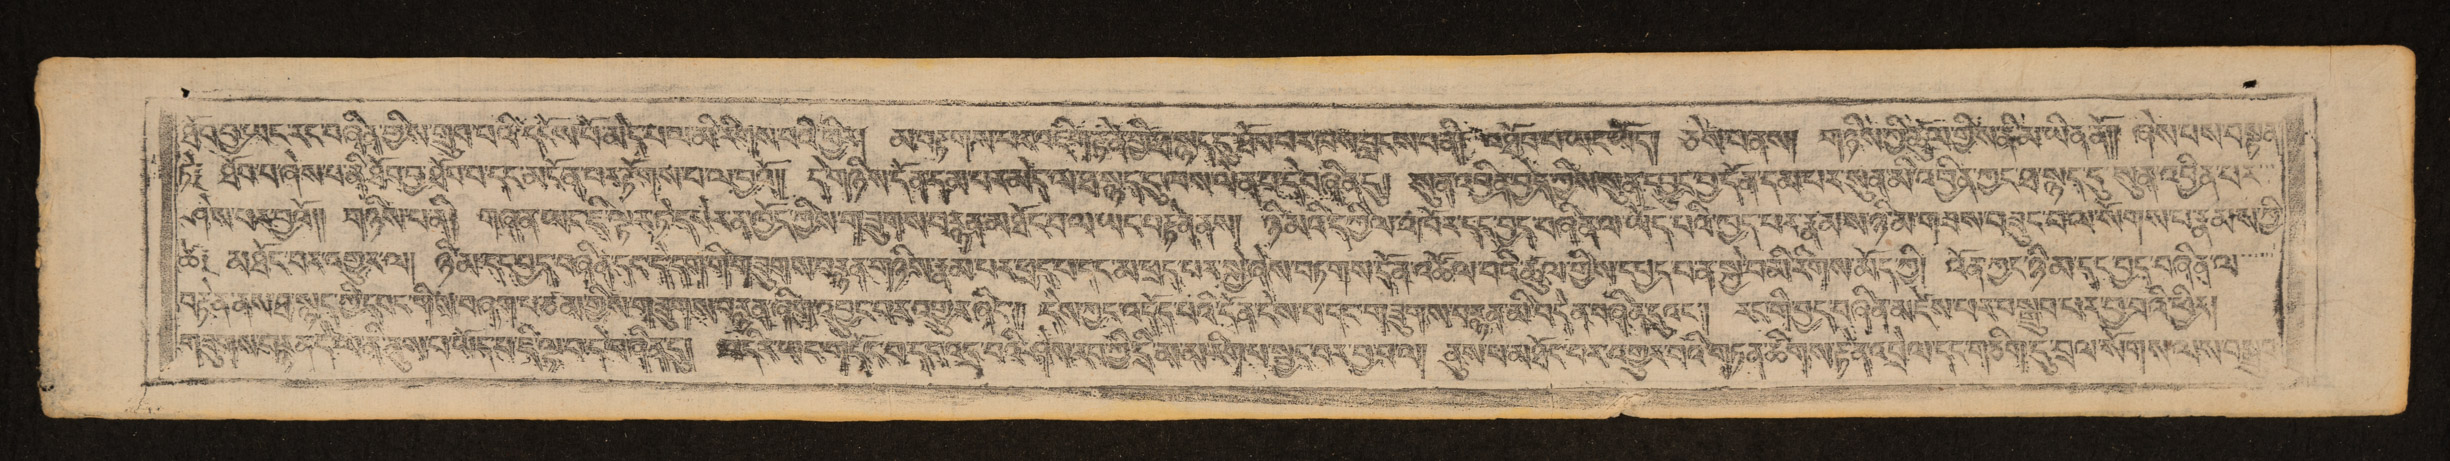ཐོབ་བྱ་ཡང་རང་བཞིན་གྱིས་གྲུབ་པའི་དངོས་པོ་མེད་པ་ལ་མི་རིགས་པའི་ཕྱིར། མ་བརྟགས་པར་འཇིག་རྟེན་གྱི་ཐ་སྙད་དུ་ཐོབ་པར་ཁས་བླངས་པ་ནི། འཐོབ་པ་ཡང་ཡོད། ཅེས་པ་ནས། གཉིས་ཀྱི་ཚུལ་གྱིས་ནི་མ་ཡིན་ནོ།། ཞེས་པས་བསྟན་
ཏེ༑ ཐོབ་པ་ཞེས་པ་ནི་ཐོབ་བྱ་ཐོབ་པ་དང་མངོན་པར་རྟོགས་པ་ལ་བྱའོ།། དེ་གཉིས་དོན་དམ་པར་མེད་ལ་ཐ་སྙད་དུ་ཁས་ལེན་པ་དེ་བཞིན་དུ། སུན་འབྱིན་བྱེད་ཀྱིས་སུན་དབྱུང་བྱ་དོན་དམ་པར་སུན་མི་འབྱིན་ཀྱང་ཐ་སྙད་དུ་སུན་འབྱིན་པར་
ཤེས་པར་བྱའོ།། གཉིས་པ་ནི། གཞན་ཡང་ཇི་ལྟར་ཏེ་དཔེར་ན་ཁྱོད་ཀྱིས་གཟུགས་བརྙན་མཐོང་བ་ལ་ཡང་བརྟེན་ནས། ཉི་མའི་དཀྱིལ་འཁོར་དང་བྱད་བཞིན་ལ་ཡོད་པའི་ཁྱད་པར་རྣམས་ཉི་མ་གཟས་བཟུང་བ་ལ་སོགས་པ་རྣམས་ཀྱི་
ཚེ༑ མཐོང་བར་འགྱུར་ལ། ཉི་མ་དང་བྱད་བཞིན་དང་དེ་དག་གི་གཟུགས་བརྙན་གཉིས་རྣམ་པར་ཕྲད་པ་དང་མ་ཕྲད་པར་སྐྱེ་ཞེས་བཏགས་དོན་འཚོལ་བའི་ཚུལ་གྱིས་དཔྱད་པ་ན་སྐྱེ་བ་མི་རིགས་མོད་ཀྱི། འོན་ཀྱང་ཉི་མ་དང་བྱད་བཞིན་ལ་
བརྟེན་ནས་ཐ་སྙད་ཀྱི་དབང་གིས་བཞག་པ་ཙམ་གྱིས་གཟུགས་བརྙན་ཞིག་འབྱུང་བར་འགྱུར་ཞིང་། དེས་ཀྱང་འདོད་པའི་དོན་ངེས་པ་དང་གཟུགས་བརྙན་མི་བདེན་བཞིན་དུའང་། རང་གི་བྱད་བཞིན་མཛེས་པར་བསྒྲུབ་པར་བྱ་བའི་ཕྱིར།
གཟུགས་བརྙན་དེ་ལ་ནི་ནུས་པ་ཡོད་པ་ཇི་ལྟ་བ་དེ་བཞིན་དུ། འདིར་ཡང་གདོང་བ་དང་འདྲ་བའི་ཤེས་རབ་ཀྱི་དྲི་མ་མ་རིག་པ་སྦྱང་བར་བྱ་བ་ལ། ནུས་པ་མཐོང་བར་འགྱུར་བའི་གཏན་ཚིགས་རྟེན་འབྲེལ་དང་གཅིག་དུ་བྲལ་སོགས་ལས་བསྒྲུབ་